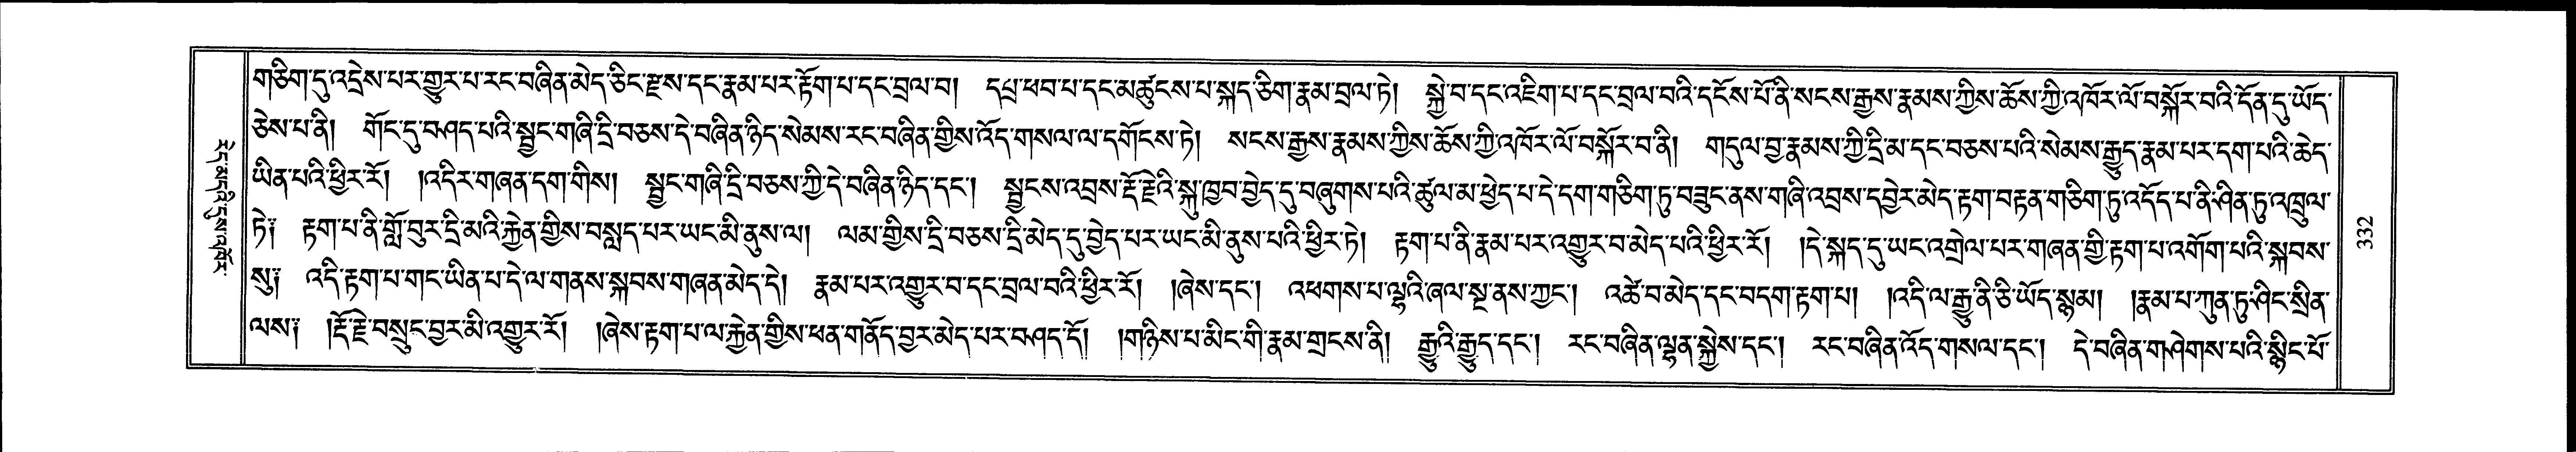གཅིག་དུ་འདྲེས་པར་གྱུར་པ་རང་བཞིན་མེད་ཅིང་རྫས་དང་རྣམ་པར་རྟོག་པ་དང་བྲལ་བ། དཔྲ་ཕབ་པ་དང་མཚུངས་པ་སྐད་ཅིག་རྣམ་བྲལ་ཏེ། སྐྱེ་བ་དང་འཇིག་པ་དང་བྲལ་བའི་དངོས་པོ་ནི་སངས་རྒྱས་རྣམས་ཀྱིས་ཆོས་ཀྱི་འཁོར་ལོ་བསྐོར་བའི་དོན་དུ་ཡོད་
ཅེས་པ་ནི། གོང་དུ་བཤད་པའི་སྦྱང་གཞི་དྲི་བཅས་དེ་བཞིན་ཉིད་སེམས་རང་བཞིན་གྱིས་འོད་གསལ་ལ་དགོངས་ཏེ། སངས་རྒྱས་རྣམས་ཀྱིས་ཆོས་ཀྱི་འཁོར་ལོ་བསྐོར་བ་ནི། གདུལ་བྱ་རྣམས་ཀྱི་དྲི་མ་དང་བཅས་པའི་སེམས་རྒྱུད་རྣམ་པར་དག་པའི་ཆེད་
ཡིན་པའི་ཕྱིར་རོ། །འདིར་གཞན་དག་གིས། སྦྱང་གཞི་དྲི་བཅས་ཀྱི་དེ་བཞིན་ཉིད་དང་། སྦྱངས་འབྲས་རྡོ་རྗེའི་སྐུ་ཁྱབ་བྱེད་དུ་བཞུགས་པའི་ཚུལ་མ་ཕྱེད་པ་དེ་དག་གཅིག་ཏུ་བཟུང་ནས་གཞི་འབྲས་དབྱེར་མེད་རྟག་བརྟན་གཅིག་ཏུ་འདོད་པ་ནི་ཤིན་ཏུ་འཁྲུལ་
ཏེ། རྟག་པ་ནི་གློ་བུར་དྲི་མའི་རྐྱེན་གྱིས་བསླད་པར་ཡང་མི་ནུས་ལ། ལམ་གྱིས་དྲི་བཅས་དྲི་མེད་དུ་བྱེད་པར་ཡང་མི་ནུས་པའི་ཕྱིར་ཏེ། རྟག་པ་ནི་རྣམ་པར་འགྱུར་བ་མེད་པའི་ཕྱིར་རོ། །དེ་སྐད་དུ་ཡང་འགྲེལ་པར་གཞན་གྱི་རྟག་པ་འགོག་པའི་སྐབས་
སུ། འདི་རྟག་པ་གང་ཡིན་པ་དེ་ལ་གནས་སྐབས་གཞན་མེད་དེ། རྣམ་པར་འགྱུར་བ་དང་བྲལ་བའི་ཕྱིར་རོ། །ཞེས་དང་། འཕགས་པ་ལྷའི་ཞལ་སྔ་ནས་ཀྱང་། འཚེ་བ་མེད་དང་བདག་རྟག་པ། །འདི་ལ་རྒྱུ་ནི་ཅི་ཡོད་སྙམ། །རྣམ་པ་ཀུན་ཏུ་ཤིང་སྲིན་
ལས། །རྡོ་རྗེ་བསྲུང་བྱར་མི་འགྱུར་རོ། །ཞེས་རྟག་པ་ལ་རྐྱེན་གྱིས་ཕན་གནོད་བྱར་མེད་པར་བཤད་དོ། །གཉིས་པ་མིང་གི་རྣམ་གྲངས་ནི། རྒྱུའི་རྒྱུད་དང་། རང་བཞིན་ལྷན་སྐྱེས་དང་། རང་བཞིན་འོད་གསལ་དང་། དེ་བཞིན་གཤེགས་པའི་སྙིང་པོ་